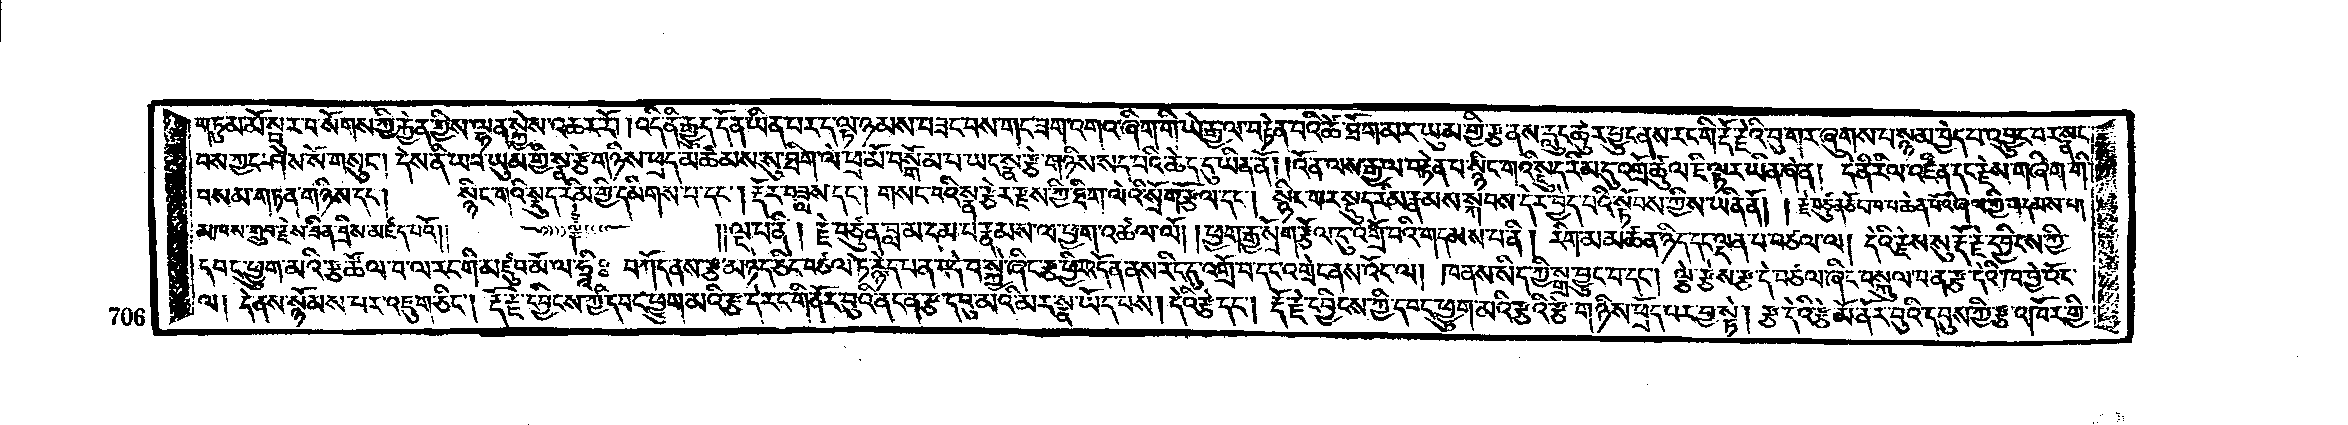གཏུམ་མོ་སྦར་བ་སོགས་ཀྱི་རྐྱེན་གྱིས་ལྷན་སྐྱེས་འཆར་རོ། །འདི་ནི་རྒྱུད་དོན་ཡིན་པར་ད་ལྟ་ཉམས་བཟང་བས་གང་ཟག་འགའ་ཞིག་གི་ཡེ་རྒྱ་ལ་བརྟེན་པའི་ཚེ་ཐོག་མར་ཡུམ་གྱི་རྩ་ནས་རླུང་ཆུར་བྱུང་ནས་རང་གི་རྡོ་རྗེའི་བུ་གར་ཞུགས་པ་སྙམ་བྱེད་པ་འབྱུང་བར་སྣང་
བས་ཀྱང་ཤེས་སོ་གསུང་། དེས་ནི་ཡབ་ཡུམ་གྱི་སྣ་རྩེ་གཉིས་ཕྲད་མཚམས་སུ་ཐིག་ལེ་ཕྲ་མོ་བསྒོམ་པ་ཡང་སྣ་རྩེ་གཉིས་སད་པའི་ཆེད་དུ་ཡིན་ནོ། །འོ་ན་ལས་རྒྱ་ལ་བརྟེན་པ་སྙིང་གའི་སྡུད་རིམ་དུ་འགྲོ་ཚུལ་ཇི་ལྟར་ཡིན་ཞེ་ན། དེ་ནི་རིལ་འཛིན་དང་རྗེས་གཞིག་གི་
བསམ་གཏན་གཉིས་དང་། སྙིང་གའི་སྡུད་རིམ་གྱི་དམིགས་པ་དང་། རྡོར་བཟླས་དང་། གསང་བའི་སྣ་རྩེར་རྫས་ཀྱི་ཐིག་ལེའི་སྲོག་རྩོལ་དང་། སྙིང་གར་སྡུད་རིམ་རྣམས་སྐབས་དེར་བྱེད་པའི་སྟོབས་ཀྱིས་ཡིན་ནོ། །རྗེ་བཙུན་ཙོང་ཁ་པ་ཆེན་པའི་ཞལ་གྱི་གདམས་པ།
མཁས་གྲུབ་རྗེས་ཟིན་བྲིས་མཛད་པའོ།། ༈ །།ལྔ་པ་ནི། རྗེ་བཙུན་བླ་མ་དམ་པ་རྣམས་ལ་ཕྱག་འཚལ་ལོ། །ཕྱག་རྒྱ་སྲོག་རྩོལ་དུ་འགྲོ་བའི་གདམས་པ་ནི། རིག་མ་མཚན་ཉིད་དང་ལྡན་པ་བཙལ་ལ། དེའི་རྗེས་སུ་རྡོ་རྗེ་དབྱིངས་ཀྱི་
དབང་ཕྱུག་མའི་རྩ་ཚོལ་བ་ལ་རང་གི་མཛུབ་མོ་ལ་ཧྲཱིཿ བཀོད་ནས་རྩ་མཉད་ཅིང་བཙལ་ཏེ་རྙེད་པ་ན་བདེ་བ་སྐྱེ་ཞིང་རྩ་ཕྱིར་འདོན་ནས་རིང་དུ་འགྲོ་བ་དང་འགྲེང་ནས་འོང་ལ། ཁ་ནས་སིད་ཀྱི་སྐྲ་བྱུང་བ་དང་། ལྕེ་རྩེས་རྩ་དེ་བཙལ་ཞིང་བསྐུལ་བ་ན་རྩ་དེའི་ཁ་བྱེ་འོང་
ལ། དི་ནས་སྙོམས་པར་འཇུག་ཅིང་། རྡོ་རྗེ་དབྱིབས་ཀྱི་དབང་ཕྱུག་མའི་རྩ་དེ་རང་གི་ནོར་བུའི་ནང་ན་རྩ་དབུ་མའི་མར་སྣ་ཡོད་པས། དེའི་རྩེ་དང་། རྡོ་རྗེ་དབྱིངས་ཀྱི་དབང་ཕྱུག་མའི་རྩའི་རྩེ་གཉིས་ཕྲོད་པར་བྱ་སྟེ། རྩ་དེའི་རྩེ་མོ་ནོར་བུའི་དབུས་ཀྱི་རྩ་འཁོར་གྱི་